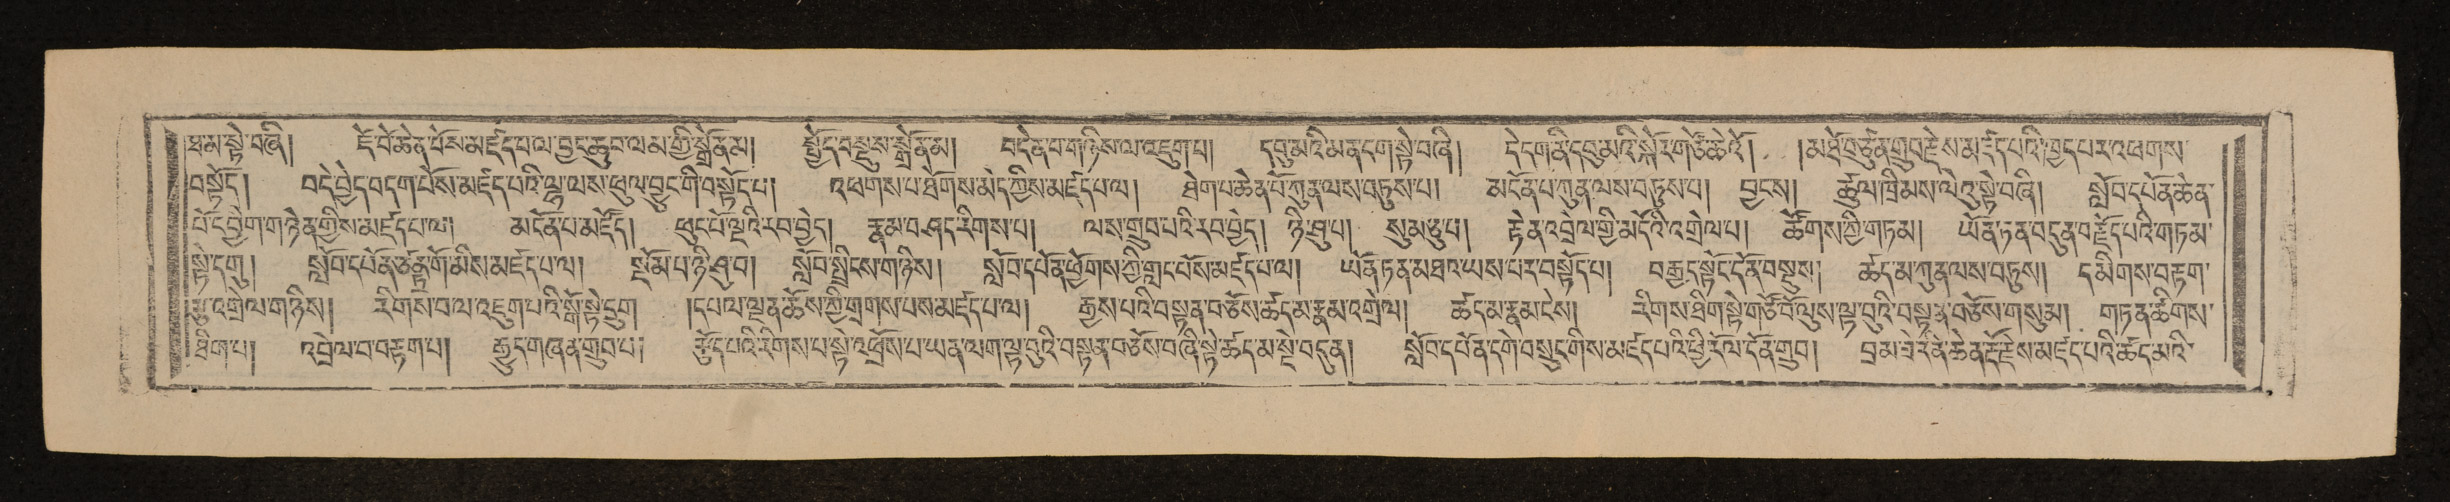ཐམ་སྟེ་བཞི། ཇོ་བོ་ཆེན་པོས་མཛད་པ་ལ་བྱང་ཆུབ་ལམ་གྱི་སྒྲོན་མ། སྤྱོད་པ་སྡུས་སྒྲོན་མ། བདེན་པ་གཉིས་ལ་འཇུག་བ། དབུ་མའི་མན་ངག་སྟེ་བཞི། དེ་དག་ནི་དབུ་མའི་སྐོར་གཙོ་ཆེའོ། །མཐོ་བཙུན་གྲུབ་རྗེས་མཛད་པའི་ཁྱད་པར་འཕགས་
བསྟོད། བདེ་བྱེད་བདག་པོས་མཛད་པའི་ལྷ་ལས་ཕུལ་བྱུང་གི་བསྟོད་བ། འཕགས་པ་ཐོགས་མེད་ཀྱིས་མཛད་པ་ལ། ཐེག་པ་ཆེན་པོ་ཀུན་ལས་བཏུས་པ། མངོན་པ་ཀུན་ལས་བཏུས་པ། བྱངས། ཚུལ་ཁྲིམས་ལེའུ་སྟེ་བཞི། སློབ་དཔོན་ཆེན་
པོ་དབྱིག་གཉེན་གྱིས་མཛད་པ་ལ། མངོན་པ་མཛོད། ཕུང་པོ་ལྔའི་རབ་བྱེད། རྣམ་བཤད་རིགས་པ། ལས་གྲུབ་པའི་རབ་བྱེད། ཉི་ཤུ་པ། སུམ་ཅུ་པ། རྟེན་འབྲེལ་གྱི་མདོའི་འགྲེལ་བ། ཚོགས་ཀྱི་གཏམ། ཡོན་ཏན་བདུན་བརྗོད་པའི་གཏམ་
སྟེ་དགུ། སློབ་དཔོན་ཙནྟྲ་གོ་མིས་མཛད་པ་ལ། སྡོམ་པ་ཉི་ཤུ་པ། སློབ་སྤྲིངས་གཉིས། སློབ་དཔོན་ཕྱོགས་ཀྱི་གླང་པོས་མཛད་པ་ལ། ཡོན་ཏན་མཐའ་ཡས་པར་བསྟོད་པ། བརྒྱད་སྟོང་དོན་བསྡུས། ཚད་མ་ཀུན་ལས་བཏུས། དམིགས་བརྟག་
རྩ་འགྲེལ་གཉིས། རིགས་པ་ལ་འཇུག་པའི་སྒོ་སྟེ་དྲུག །དཔལ་ལྡན་ཆོས་ཀྱི་གྲགས་པས་མཛད་པ་ལ། རྒྱས་པའི་བསྟན་བཅོས་ཚད་མ་རྣམ་འགྲེལ། ཚད་མ་རྣམ་ངེས། རིགས་ཐིག་སྟེ་གཙོ་བོ་ལུས་ལྟ་བུའི་བསྟན་བཅོས་གསུམ། གཏན་ཚིགས་
ཐིག་པ། འབྲེལ་བ་བརྟག་པ། རྒྱུད་གཞན་གྲུབ་པ། རྩོད་བའི་རིགས་པ་སྟེ་འཕྲོས་པ་ཡན་ལག་ལྟ་བུའི་བསྟན་བཅོས་བཞི་སྟེ་ཚད་མ་སྡེ་བདུན། སློབ་དཔོན་དགེ་བསྲུང་གིས་མཛད་པའི་ཕྱི་རོལ་དོན་གྲུབ། བྲམ་ཟེ་རིན་ཆེན་རྡོ་རྗེས་མཛད་པའི་ཚད་མའི་